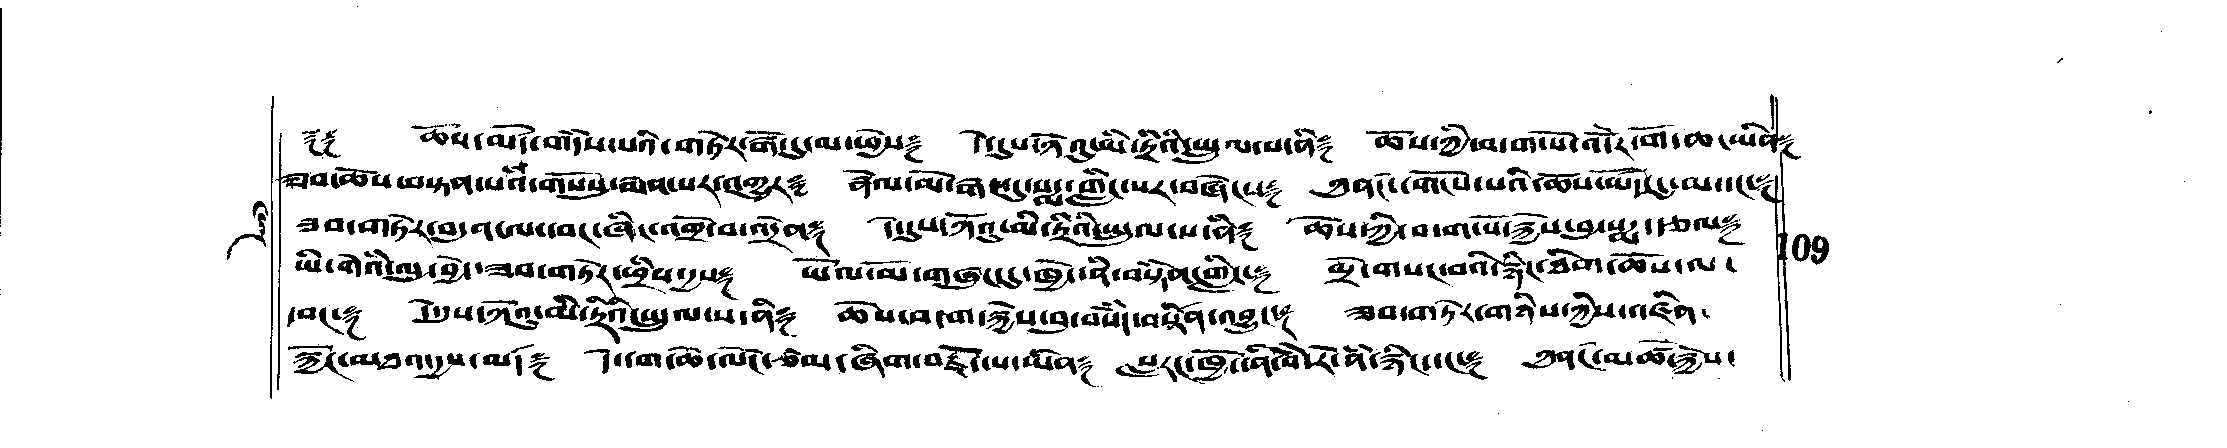།ཆོས་མཛོད་གདམས་པའི་གཏེར་སྒོ་དུ་མ་ཕྱེས། །དེ་དུས་ཀོའུ་མི་ཏྲིའི་སྤྲུལ་པ་ནི། །ཆོས་ཀྱི་བདག་པོ་འོད་ཟེར་གོ་ཆ་ཡིན། །
ཟབ་ཆོས་བསྟན་པའི་གསོས་སུ་སྨན་པར་འགྱུར། །རྣོལ་མོ་སྒང་དུ་པདྨ་གླིང་པར་བཞེངས། །ཀུན་བཟང་དགོངས་པའི་ཆོས་མཛོད་དུ་མ་དང་། །
ཟབ་གཏེར་བདུན་ལ་དབང་ཞིང་འགྲོ་བ་འདྲེན། །དེ་དུས་ཀོའུ་མི་ཏྲིའི་སྤྲུལ་པ་ནི། །ཆོས་ཀྱི་བདག་པོ་སྐྱེས་བུ་པདྨ་རྩལ། །
ཡི་གེའི་འདུ་བྱེད་ཟབ་གཏེར་ཕྲིན་ལས་རྒྱས། །ཡོལ་མོ་གཞུང་དུ་ཁྱོད་ནི་བསམ་གཏན་གླིང་། །མཁའ་འགྲོ་གསང་བའི་སྙིང་ཐིག་ཆོས་ལ་
དབང་། །དེ་དུས་ཀོའུ་མི་ཏྲིའི་སྤྲུལ་པ་ནི། །ཆོས་བདག་སྐྱེས་བུ་བསོད་ནམས་བསྟན་འཛིན་འབྱུང་། །ཟབ་གཏེར་གཉིས་ཀྱིས་འཛིན་
སྐྱོང་མཐའ་རྒྱས་མཛད། །དེ་དག་ཆེ་ལོང་ཙམ་ཞིག་བརྗོད་པ་ཡིན། །སླར་ཡང་ཁྱོད་ནི་བེ་རོ་ནམ་སྙིང་དང་། །ཀུན་བཟང་མཚོ་སྐྱེས་